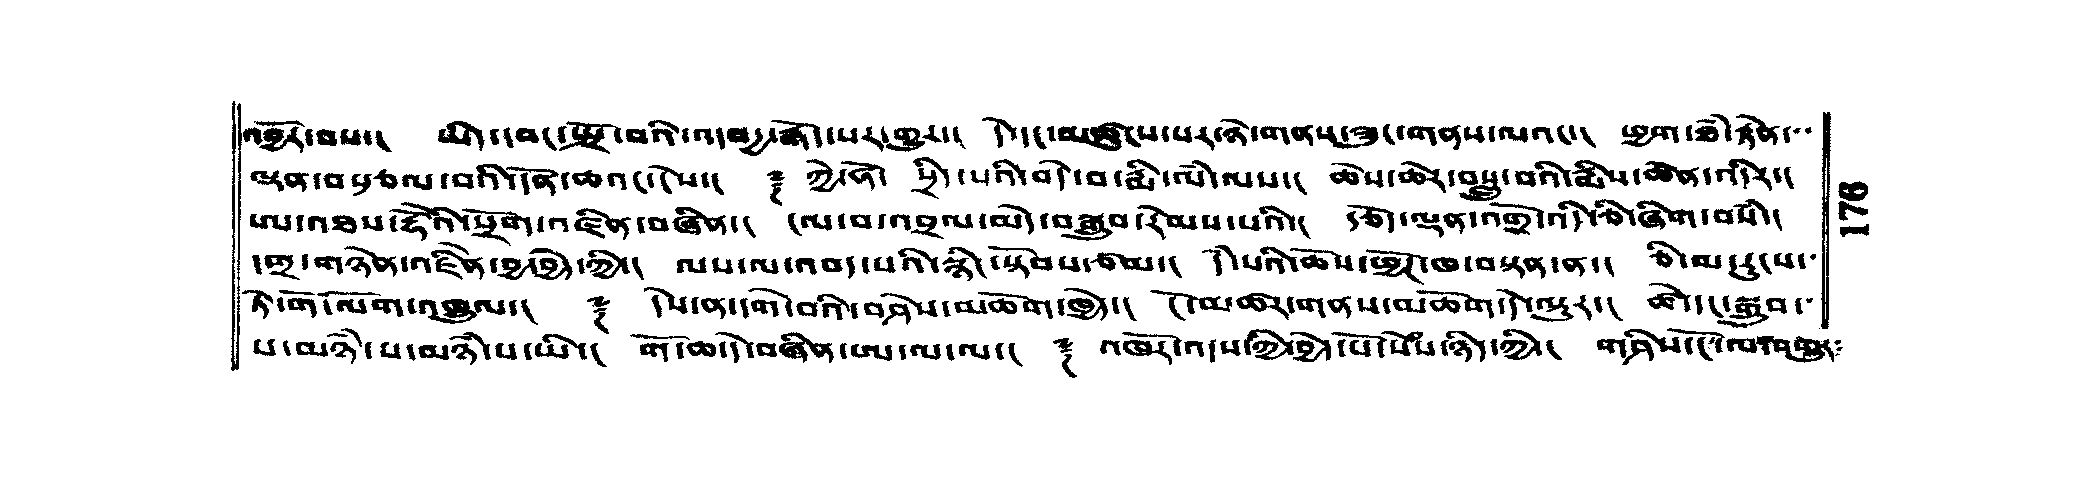འབྱོར་བས། །ཡིད་དབང་སྤྲོ་བས་འདབ་བརྒྱ་དགོད་པར་གྱུར། །དེ་དང་མཚུངས་པར་ཉེ་གནས་ཟུང་གནས་ལའང་། །ཕྱག་ཐམ་རྟེན་
ལྡན་བསྩལ་བའི་དོན་ཆའང་ངེས།༈ ཀྱེ་ཧོ། སྲིད་པའི་བདེ་བ་རྨི་ལམ་ལས། །ཆེས་ཆེར་བསླུ་བའི་རྨིས་ཆེན་འདིར། །
ཨ་འཐས་རྡོ་རྗེའི་སྲོག་འཛིན་བཞིན། །ངལ་བ་འབྲལ་མེད་སྒྲུབ་རེམས་པའི། །རྩོད་ལྡན་འགྲོ་འདི་ཅི་ཞིག་བསམ། །
དགྲ་གཉེན་འཇིག་རྟེན་བྱ་བྱེད་ཀྱི། །ལས་ལ་འབད་པའི་སྙིང་སྟོབས་ཙམ། །དམ་པའི་ཆོས་ཕྱོགས་ཁ་བསྟན་ན། །ཅི་མ་རུང་
ཏེ་གོ་ལོག་འཁྲུལ། །དེས་ན་དགེ་བའི་བཤེས་མཆོག་ཁྱེད། །ངོ་མཚར་གནས་མཆོག་དེ་ལྟ་བུར་། །ཚེ་དང་སྒྲུབ་
པ་མཉམ་པ་ཡི། །གོ་ཆ་དེ་བཞིན་ཨ་ལ་ལ། །འཁོར་འདས་ཀྱི་བྱེད་པོ་སེམས་ཉིད་ཀྱི། །གཤིས་ངོ་ལ་འགྱུར་